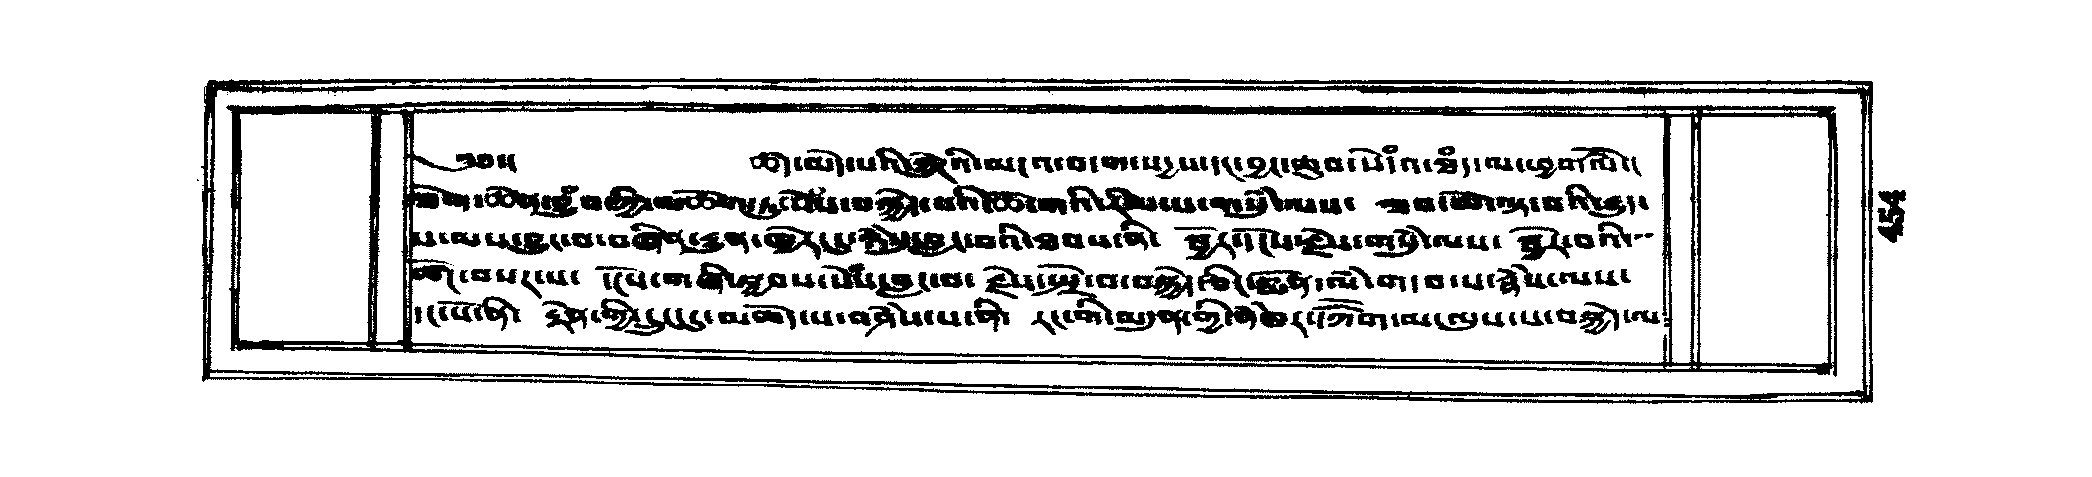ཚད་མེད་པའི་ཐུགས་རྗེའི་མངའ་དག་སངས་རྒྱས་དང་བྱང་ཆུབ་སེམས་དཔའ་ཐམས་ཅད་ལ་ཕྱག་འཚལ་ལོ། 
ཐེག་ཆེན་བྱང་ཆུབ་ཀྱི་མཆོག་ཏུ་སེམས་བསྐྱེད་པའི་ཆོ་གའི་རིམ་པ་གསུམ་ལས། ཟབ་མོ་ལྟ་བའི་རྒྱུད་
པ་ལས་བྱུང་བ་བཞིན་རྒྱུན་ཁྱེར་དུ་ཉམས་སུ་བླང་བའི་ཐབས་ནི། སྦྱོར་དངོས་རྗེས་གསུམ་ལས། སྦྱོར་བའི་
ཚོགས་བསགས་པ། དངོས་གཞི་སྐྱབས་སེམས་བླང་བ། རྗེས་སྤྲོ་བ་བསྐྱེད་ཅིང་སྨོན་ལབ་གདབ་པ་རྣམས་ལས་
དང་པོ་ནི། རྟེན་གྱི་དྲུང་དུ་མཆོད་པ་བཤམས་པ་ནི། རང་གི་མདུན་གྱི་ནམ་མཁར་དཀོན་མཆོག་མ་ལུས་པ་བསྐྱེད་ལ།